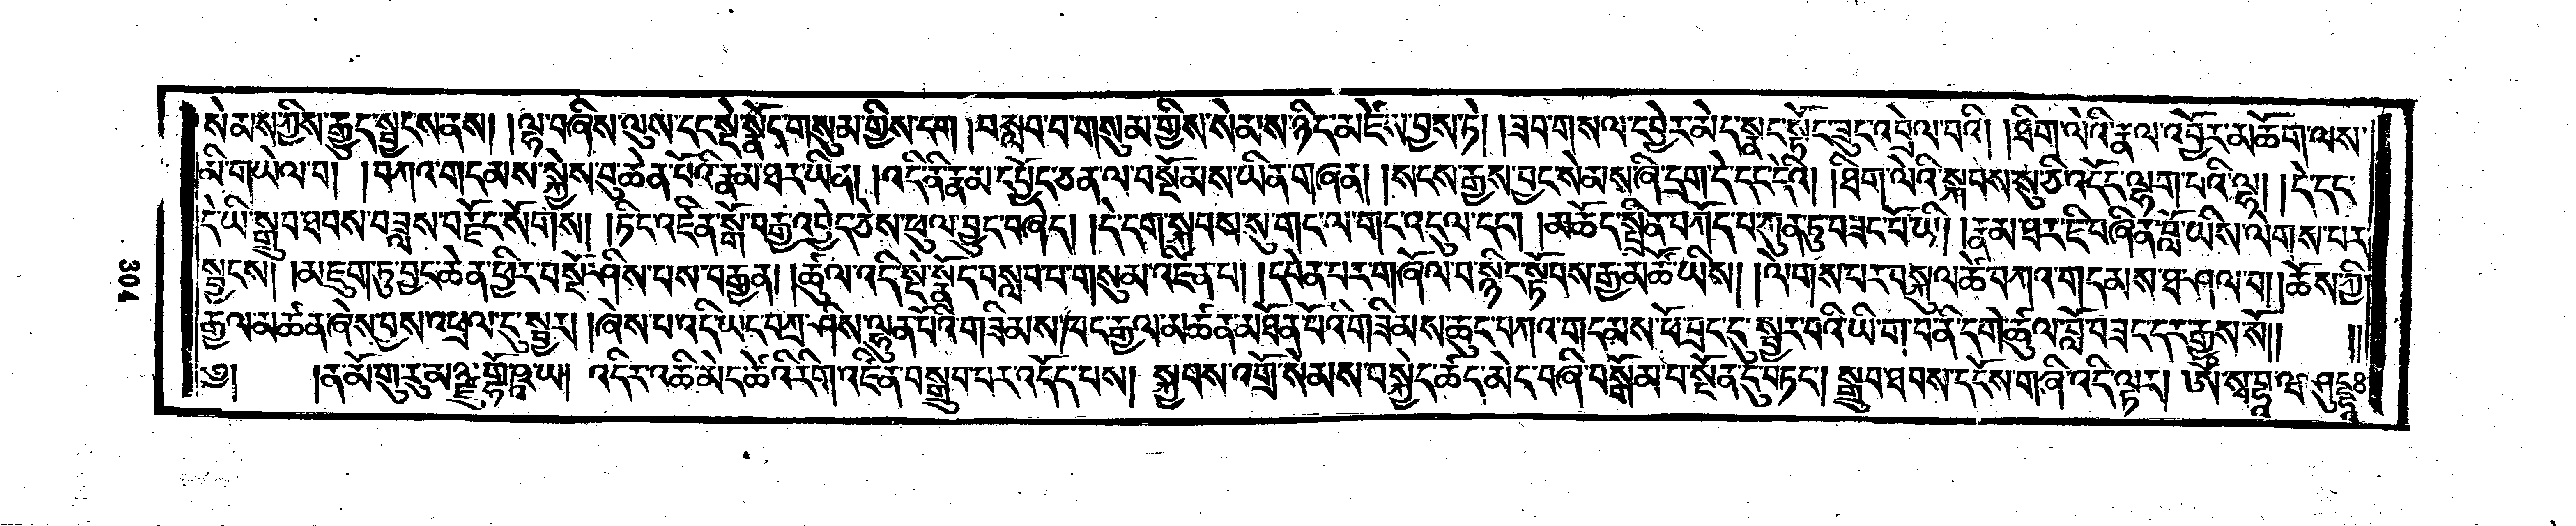སེམས་ཀྱིས་རྒྱུད་སྦྱངས་ནས། །ལྷ་བཞིས་ལུས་དང་སྡེ་སྣོད་གསུམ་གྱིས་ངག །བསླབ་པ་གསུམ་གྱིས་སེམས་ཉིད་མཛེས་བྱས་ཏེ། །ཟབ་གསལ་དབྱེར་མེད་སྣང་སྟོང་ཟུང་འབྲེལ་བའི། །ཐིག་ལེའི་རྣལ་འབྱོར་མཆོག་ལས་
མི་གཡེལ་བ། །བཀའ་གདམས་སྐྱེས་བུ་ཆེན་པོའི་རྣམ་ཐར་ཡིན། །འདི་ནི་རྣམ་དཔྱོད་ཅན་ལ་བསྡོམས་ཡིན་གཞན། །སངས་རྒྱས་བྱང་སེམས་ཞི་དྲག་དེ་དང་དེའི། །ཐིག་ལེའི་སྐབས་སུ་ཅི་འདོད་ལྷག་པའི་ལྷ། །དེ་དང་
དེ་ཡི་སྒྲུབ་ཐབས་བཟླས་བརྗོད་སོགས། །ཏིང་འཛིན་སྒོ་བརྒྱ་འབྱེད་ཅེས་ཕུལ་བྱུང་བཞེད། །དེ་དག་སྐབས་སུ་གང་ལ་གང་འདུལ་དང་། །མཆོད་སྤྲིན་བཀོད་པ་ཀུན་ཏུ་བཟང་པོ་ཡི། །རྣམ་ཐར་ཇི་བཞིན་བློ་ཡིས་ལེགས་པར་
སྦྱངས། །མཇུག་ཏུ་བྱང་ཆེན་ཕྱིར་བསྔོ་ཤིས་པས་བརྒྱན། །ཚུལ་འདི་སྡེ་སྣོད་བསླབ་པ་གསུམ་འཛིན་པ། །དབེན་པར་གཞོལ་བ་སྙིང་སྟོབས་རྒྱ་མཚོ་ཡིས། །ལེགས་པར་བསྐུལ་ཚེ་བཀའ་གདམས་ཐ་ཤལ་བ། །ཆོས་ཀྱི་
རྒྱལ་མཚན་ཞེས་བྱས་འཕྲལ་དུ་སྦྱར། །ཞེས་པ་འདི་ཡང་བཀྲ་ཤིས་ལྷུན་པོའི་གཟིམས་ཁང་རྒྱལ་མཚན་མཐོན་པོའི་གཟིམས་ཆུང་བཀའ་གདམས་ཕོ་བྲང་དུ་སྦྱར་བའི་ཡི་གེ་པ་ནི་དགེ་ཚུལ་བློ་བཟང་དར་རྒྱས་སོ།། །།